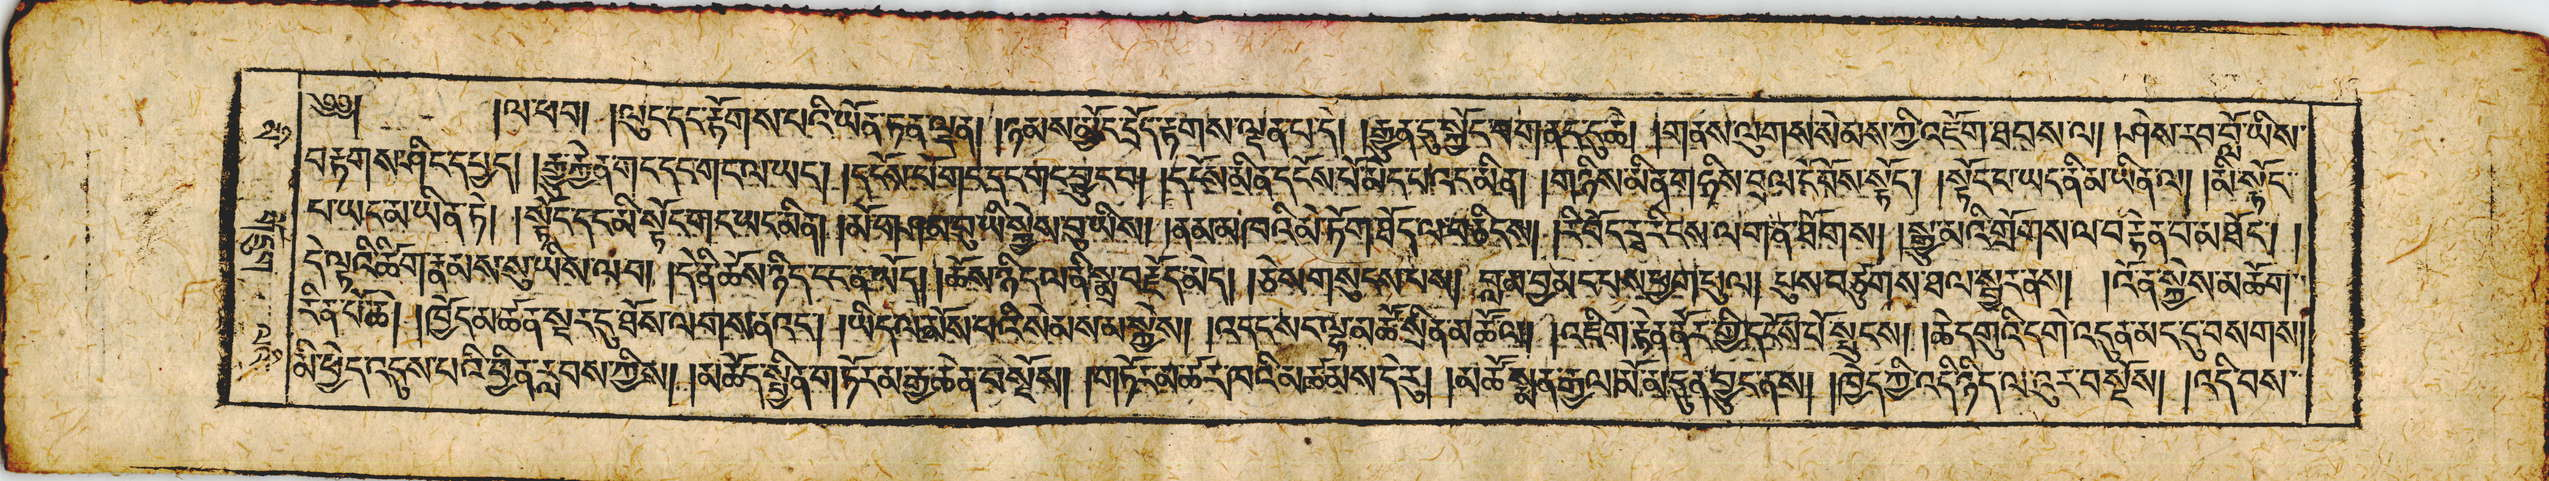ལ་ཕབ། །ལུང་དང་རྟོགས་པའི་ཡོན་ཏན་ལྡན། །ཉམས་མྱོང་དྲོད་རྟགས་ལྡན་པ་དེ། །རྒྱུན་དུ་སྐྱོང་བ་གནད་དུ་ཆེ། །གནས་ལུགས་སེམས་ཀྱི་འཇོག་ཐབས་ལ། །ཤེས་རབ་བློ་ཡིས་
བརྟགས་ཤིང་དཔྱད། །རྒྱུ་རྐྱེན་གང་དང་གང་ལ་ཡང་། །དངོས་པོ་གང་དང་གང་བྱུང་བ། །དངོས་མིན་དངོས་པོ་ཡོད་པའང་མིན། །གཉིས་མིན་གཉིས་བྲལ་ངོ་བོས་སྟོང་། །སྟོང་པ་ཡང་ནི་མ་ཡིན་ལ། །མི་སྟོང་
པ་ཡང་མ་ཡིན་ཏེ། །སྟོང་དང་མི་སྟོང་གང་ཡང་ཡིན། །མོ་གཤམ་བུ་ཡི་སྐྱེས་བུ་ཡིས། །ནམ་མཁའི་མེ་ཏོག་ཐོད་ལ་བཅིངས། །རི་བོང་རྭ་རིངས་ལག་ན་ཐོགས། །སྒྱུ་མའི་གྲོགས་ལ་བརྟེན་པ་མཐོང་། །
དེ་ལྟའི་ཚིག་རྣམས་སུ་ཡིས་ལབ། །དེ་ནི་ཆོས་ཉིད་ངང་ན་ཡོད། །ཆོས་ཉིད་ལ་ནི་སྨྲབརྗོད་མེད། །ཅེས་གསུངས་པས། བླ་མ་བྱ་མང་པས་ཕྱག་ཕུལ། པུས་བཙུགས་ཐལ་སྦྱར་ནས། །འོ་ན་སྐྱེས་མཆོག་
རིན་པོ་ཆེ། །ཁྱོད་མཚན་སྔར་དུ་ཐོས་ལགས་ནའང་། །ཡིད་ལ་མོས་པའི་སེམས་མ་སྐྱེས། །འདང་སང་ལྷ་མཚོ་སྲིན་མཚོ་ལ། འཇིག་རྟེན་ནོར་གྱི་དངོས་པོ་སྲུངས། །ཆེ་དགུའི་དགེ་འདུན་མང་དུ་བསགས། །
མི་ཕྱེད་འདུས་པའི་བྱིན་རླབས་ཀྱིས། །མཆོད་སྦྱིན་གཏོར་མ་རྒྱ་ཆེན་བསྔོས། །གཏོ་མ་ཚར་ཁའི་མཚམས་དེརུ། །མཚོ་སྨན་རྒྱལ་མོ་མདུན་བྱུང་ནས། །ཁྱེད་ཀྱི་འདི་ཉིད་ལ་འུར་བསྔོས། །འདི་བས་